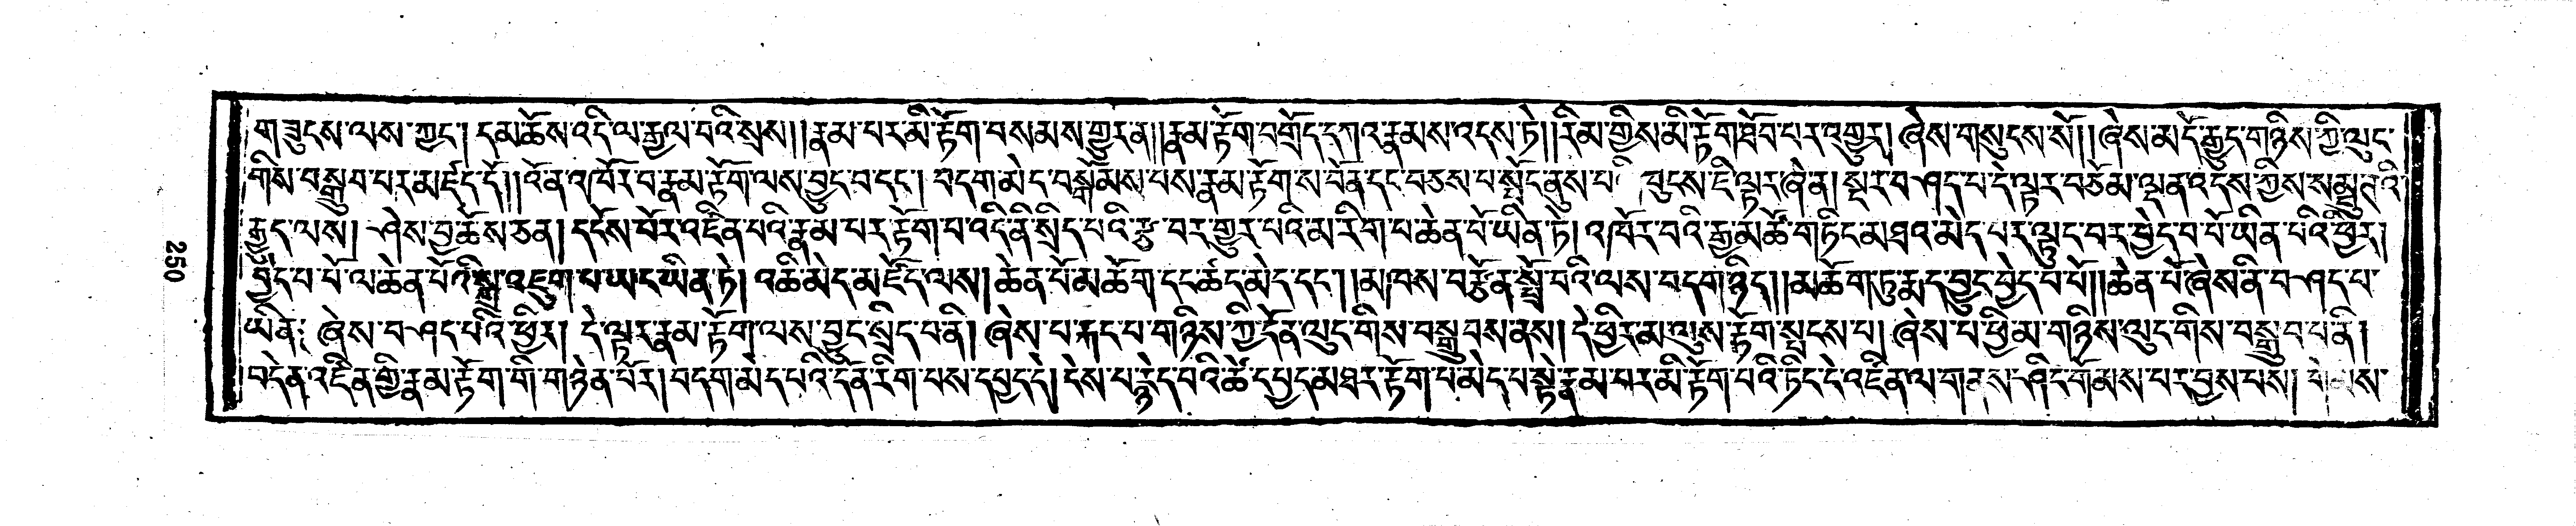གཟུངས་ལས་ཀྱང་། དམ་ཆོས་འདི་ལ་རྒྱལ་བའི་སྲས། །རྣམ་པར་མི་རྟོག་བསམས་གྱུར་ན། །རྣམ་རྟོག་བགྲོད་དཀའ་རྣམས་འདས་ཏེ། །རིམ་གྱིས་མི་རྟོག་ཐོབ་པར་འགྱུར། ཞེས་གསུངས་སོ། །ཞེས་མདོ་རྒྱུད་གཉིས་ཀྱི་ལུང་
གིས་བསྒྲུབ་པར་མཛད་དོ། །འོ་ན་འཁོར་བ་རྣམ་རྟོག་ལས་བྱུང་བ་དང་། བདག་མེད་བསྒོམས་པས་རྣམ་རྟོག་ས་བོན་དང་བཅས་པ་སྤོང་ནུས་པའི་ཁུངས་ཇི་ལྟར་ཞེ་ན། སྔར་བཤད་པ་དེ་ལྟར་བཅོམ་ལྡན་འདས་ཀྱིས་སམྦུ་ཊའི་
རྒྱུད་ལས། ཤེས་བྱ་ཆོས་ཅན། དངོས་པོར་འཛིན་པའི་རྣམ་པར་རྟོག་པ་འདི་ནི་སྲིད་པའི་རྩ་བར་གྱུར་པའི་མ་རིག་པ་ཆེན་པོ་ཡིན་ཏེ། འཁོར་བའི་རྒྱ་མཚོ་གཏིང་མཐའ་མེད་པར་ལྟུང་བར་བྱེད་པ་པོ་ཡིན་པའི་ཕྱིར།
བྱེད་པ་པོ་ལ་ཆེན་པོའི་སྒྲ་འཇུག་པ་ཡང་ཡིན་ཏེ། འཆི་མེད་མཛོད་ལས། ཆེན་པོ་མཆོག་དང་ཚད་མེད་དང་། །མཁས་བརྩོན་སྤྲོ་བའི་ལས་བདག་ཉིད། །མཆོག་ཏུ་རྨད་བྱུང་བྱེད་པ་པོ། །ཆེན་པོ་ཞེས་ནི་བཤད་པ་
ཡིན༑ ཞེས་བཤད་པའི་ཕྱིར། དེ་ལྟར་རྣམ་རྟོག་ལས་བྱུང་སྲིད་པ་ནི། ཞེས་པ་རྐང་པ་གཉིས་ཀྱི་དོན་ལུང་གིས་བསྒྲུབས་ནས། དེ་ཕྱིར་མ་ལུས་རྟོག་སྤངས་པ། ཞེས་པ་ཕྱི་མ་གཉིས་ལུང་གིས་བསྒྲུབ་པ་ནི།
བདེན་འཛིན་གྱི་རྣམ་རྟོག་གི་གཉེན་པོར། བདག་མེད་པའི་དོན་རིག་པས་དཔྱད་དེ། ངེས་པ་རྙེད་པའི་ཚེ་དཔྱད་མཐར་རྟོག་པ་མེད་པ་སྟེ་རྣམ་པར་མི་རྟོག་པའི་ཏིང་ངེ་འཛིན་ལ་གནས་ཤིང་གོམས་པར་བྱས་པས། གོམས་